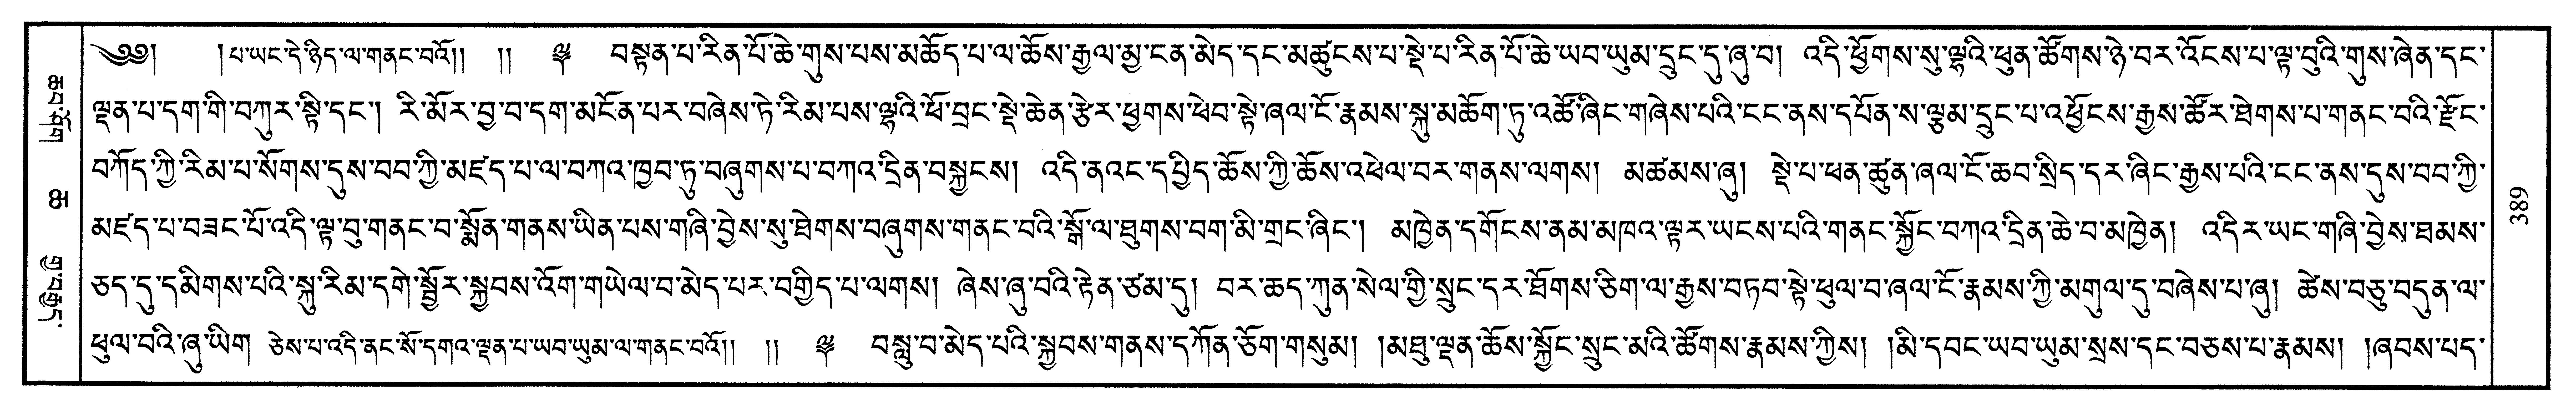༄༅། །པ་ཡང་དེ་ཉིད་ལ་གནང་བའོ།། །། ༈ བསྟན་པ་རིན་པོ་ཆེ་གུས་པ་མཆོད་པ་ལ་ཆོས་རྒྱལ་མྱ་ངན་མེད་དང་མཚུངས་པ་སྡེ་པ་རིན་པོ་ཆེ་ཡབ་ཡུམ་དྲུང་དུ་ཞུ་བ། འདི་ཕྱོགས་སུ་ལྷའི་ཕུན་ཚོགས་ཉེ་བར་འོངས་པ་ལྟ་བུའི་གུས་ཞེན་དང་
ལྡན་པ་དག་གི་བཀུར་སྟི་དང་། རི་མོར་བྱ་བ་དག་མངོན་པར་བཞེས་ཏེ་རིམ་པས་ལྷའི་ཕོ་བྲང་སྡེ་ཆེན་རྩེར་ཕྱགས་ཕེབ་སྟེ་ཞལ་ངོ་རྣམས་སྐུ་མཆོག་ཏུ་འཚོ་ཞིང་གཞེས་པའི་ངང་ནས་དཔོན་ས་ལྕམ་དྲུང་པ་འཕྱོངས་རྒྱས་ཚོར་ཐེགས་པ་གནང་བའི་རྫོང་
བཀོད་ཀྱི་རིམ་པ་སོགས་དུས་བབ་ཀྱི་མཛད་པ་ལ་བཀའ་ཁྱབ་ཏུ་བཞུགས་པ་བཀའ་དྲིན་བསྐྱངས། འདི་ནའང་དཔྱོད་ཆོས་ཀྱི་ཆོས་འཕེལ་བར་གནས་ལགས། མཚམས་ཞུ། སྡེ་པ་ཕན་ཚུན་ཞལ་ངོ་ཆབ་སྲིད་དར་ཞིང་རྒྱས་པའི་ངང་ནས་དུས་བབ་ཀྱི་
མཛད་པ་བཟང་པོ་འདི་ལྟ་བུ་གནང་བ་སྨོན་གནས་ཡིན་པས་གཞི་བྱེས་སུ་ཐེགས་བཞུགས་གནང་བའི་སྒོ་ལ་ཐུགས་བག་མི་གྲང་ཞིང་། མཁྱེན་དགོངས་ནམ་མཁའ་ལྟར་ཡངས་པའི་གནང་སྐྱོང་བཀའ་དྲིན་ཆེ་བ་མཁྱེན། འདིར་ཡང་གཞི་བྱེས་ཐམས་
ཅད་དུ་དམིགས་པའི་སྐུ་རིམ་དགེ་སྦྱོར་སྐྱབས་འོག་གཡེལ་བ་མེད་པར་བགྱིད་པ་ལགས། ཞེས་ཞུ་བའི་རྟེན་ཙམ་དུ། བར་ཆད་ཀུན་སེལ་གྱི་སྲུང་དར་ཐོགས་ཅིག་ལ་རྒྱས་བཏབ་སྟེ་ཕུལ་བ་ཞལ་ངོ་རྣམས་ཀྱི་མགུལ་དུ་བཞེས་པ་ཞུ། ཚེས་བཅུ་བདུན་ལ་
ཕུལ་བའི་ཞུ་ཡིག་ཅེས་པ་འདི་ནང་སོ་དགའ་ལྡན་པ་ཡབ་ཡུམ་ལ་གནང་བའོ།། །། ༈ བསླུ་བ་མེད་པའི་སྐྱབས་གནས་དཀོན་ཅོག་གསུམ། །མཐུ་ལྡན་ཆོས་སྐྱོང་སྲུང་མའི་ཚོགས་རྣམས་ཀྱིས། །མི་དབང་ཡབ་ཡུམ་སྲས་དང་བཅས་པ་རྣམས། །ཞབས་པད་